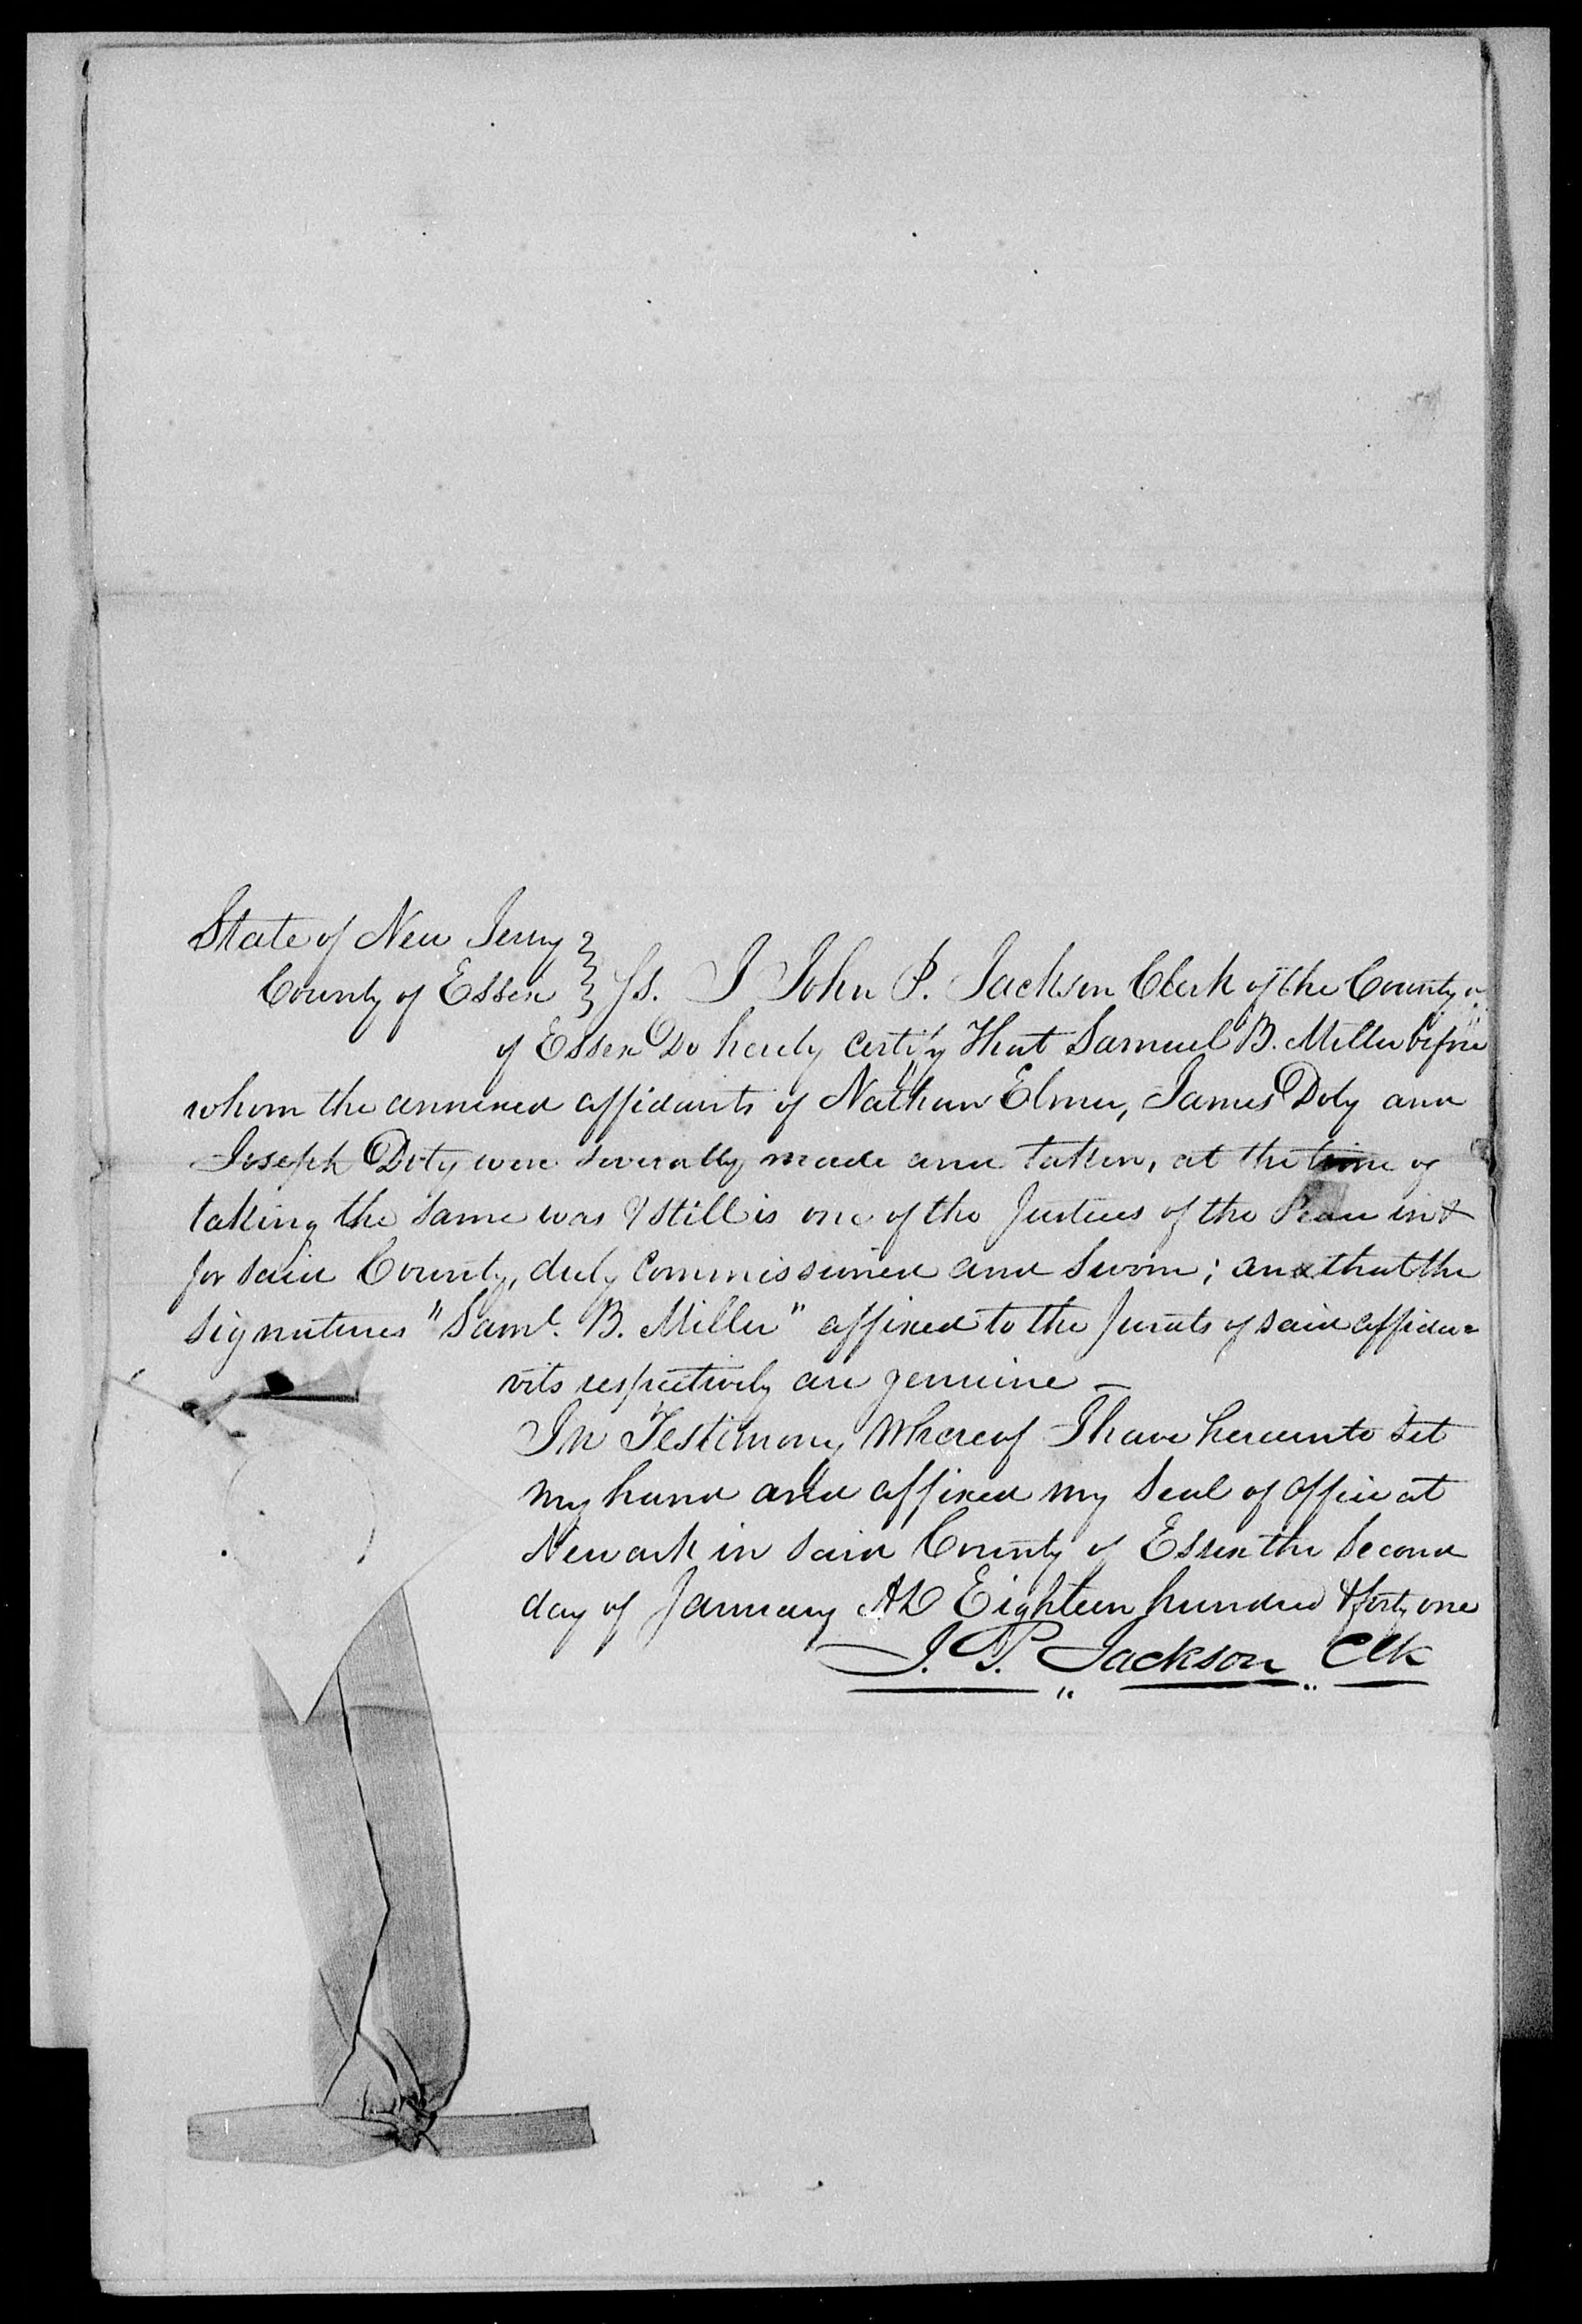State of New Jersey  )
County of Essex        ) SS.  I John P. Jackson Clerk of the County of Essex Do hereby certify That Samuel B. Miller before whom the annexed affidavits of Nathan Elmer, James Doty and Joseph Doty were severally made and taken, at the time to taking the Same was & still is one of the Justices of the Peace in & for said County, duly commissioned and Sworn; and that the Signatures "Saml. B. Miller" affixed to the Jurats of said affidavits respectively are genuine -
[seal with ribbon affixed]
In Testimony Whereof I have hereunto Set
my hand and affixed my Seal of Office at
Newark in Said County of Essex the Second
day of January AD Eighteen hundred thirty one
   J.P. Jackson Clk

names: Joseph Doty; Nathan Elmer; John P Jackson; James Doty; Samuel B Miller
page: 21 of 25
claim: widow's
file: W. 187, for Ludlow Ogden, New Jersey